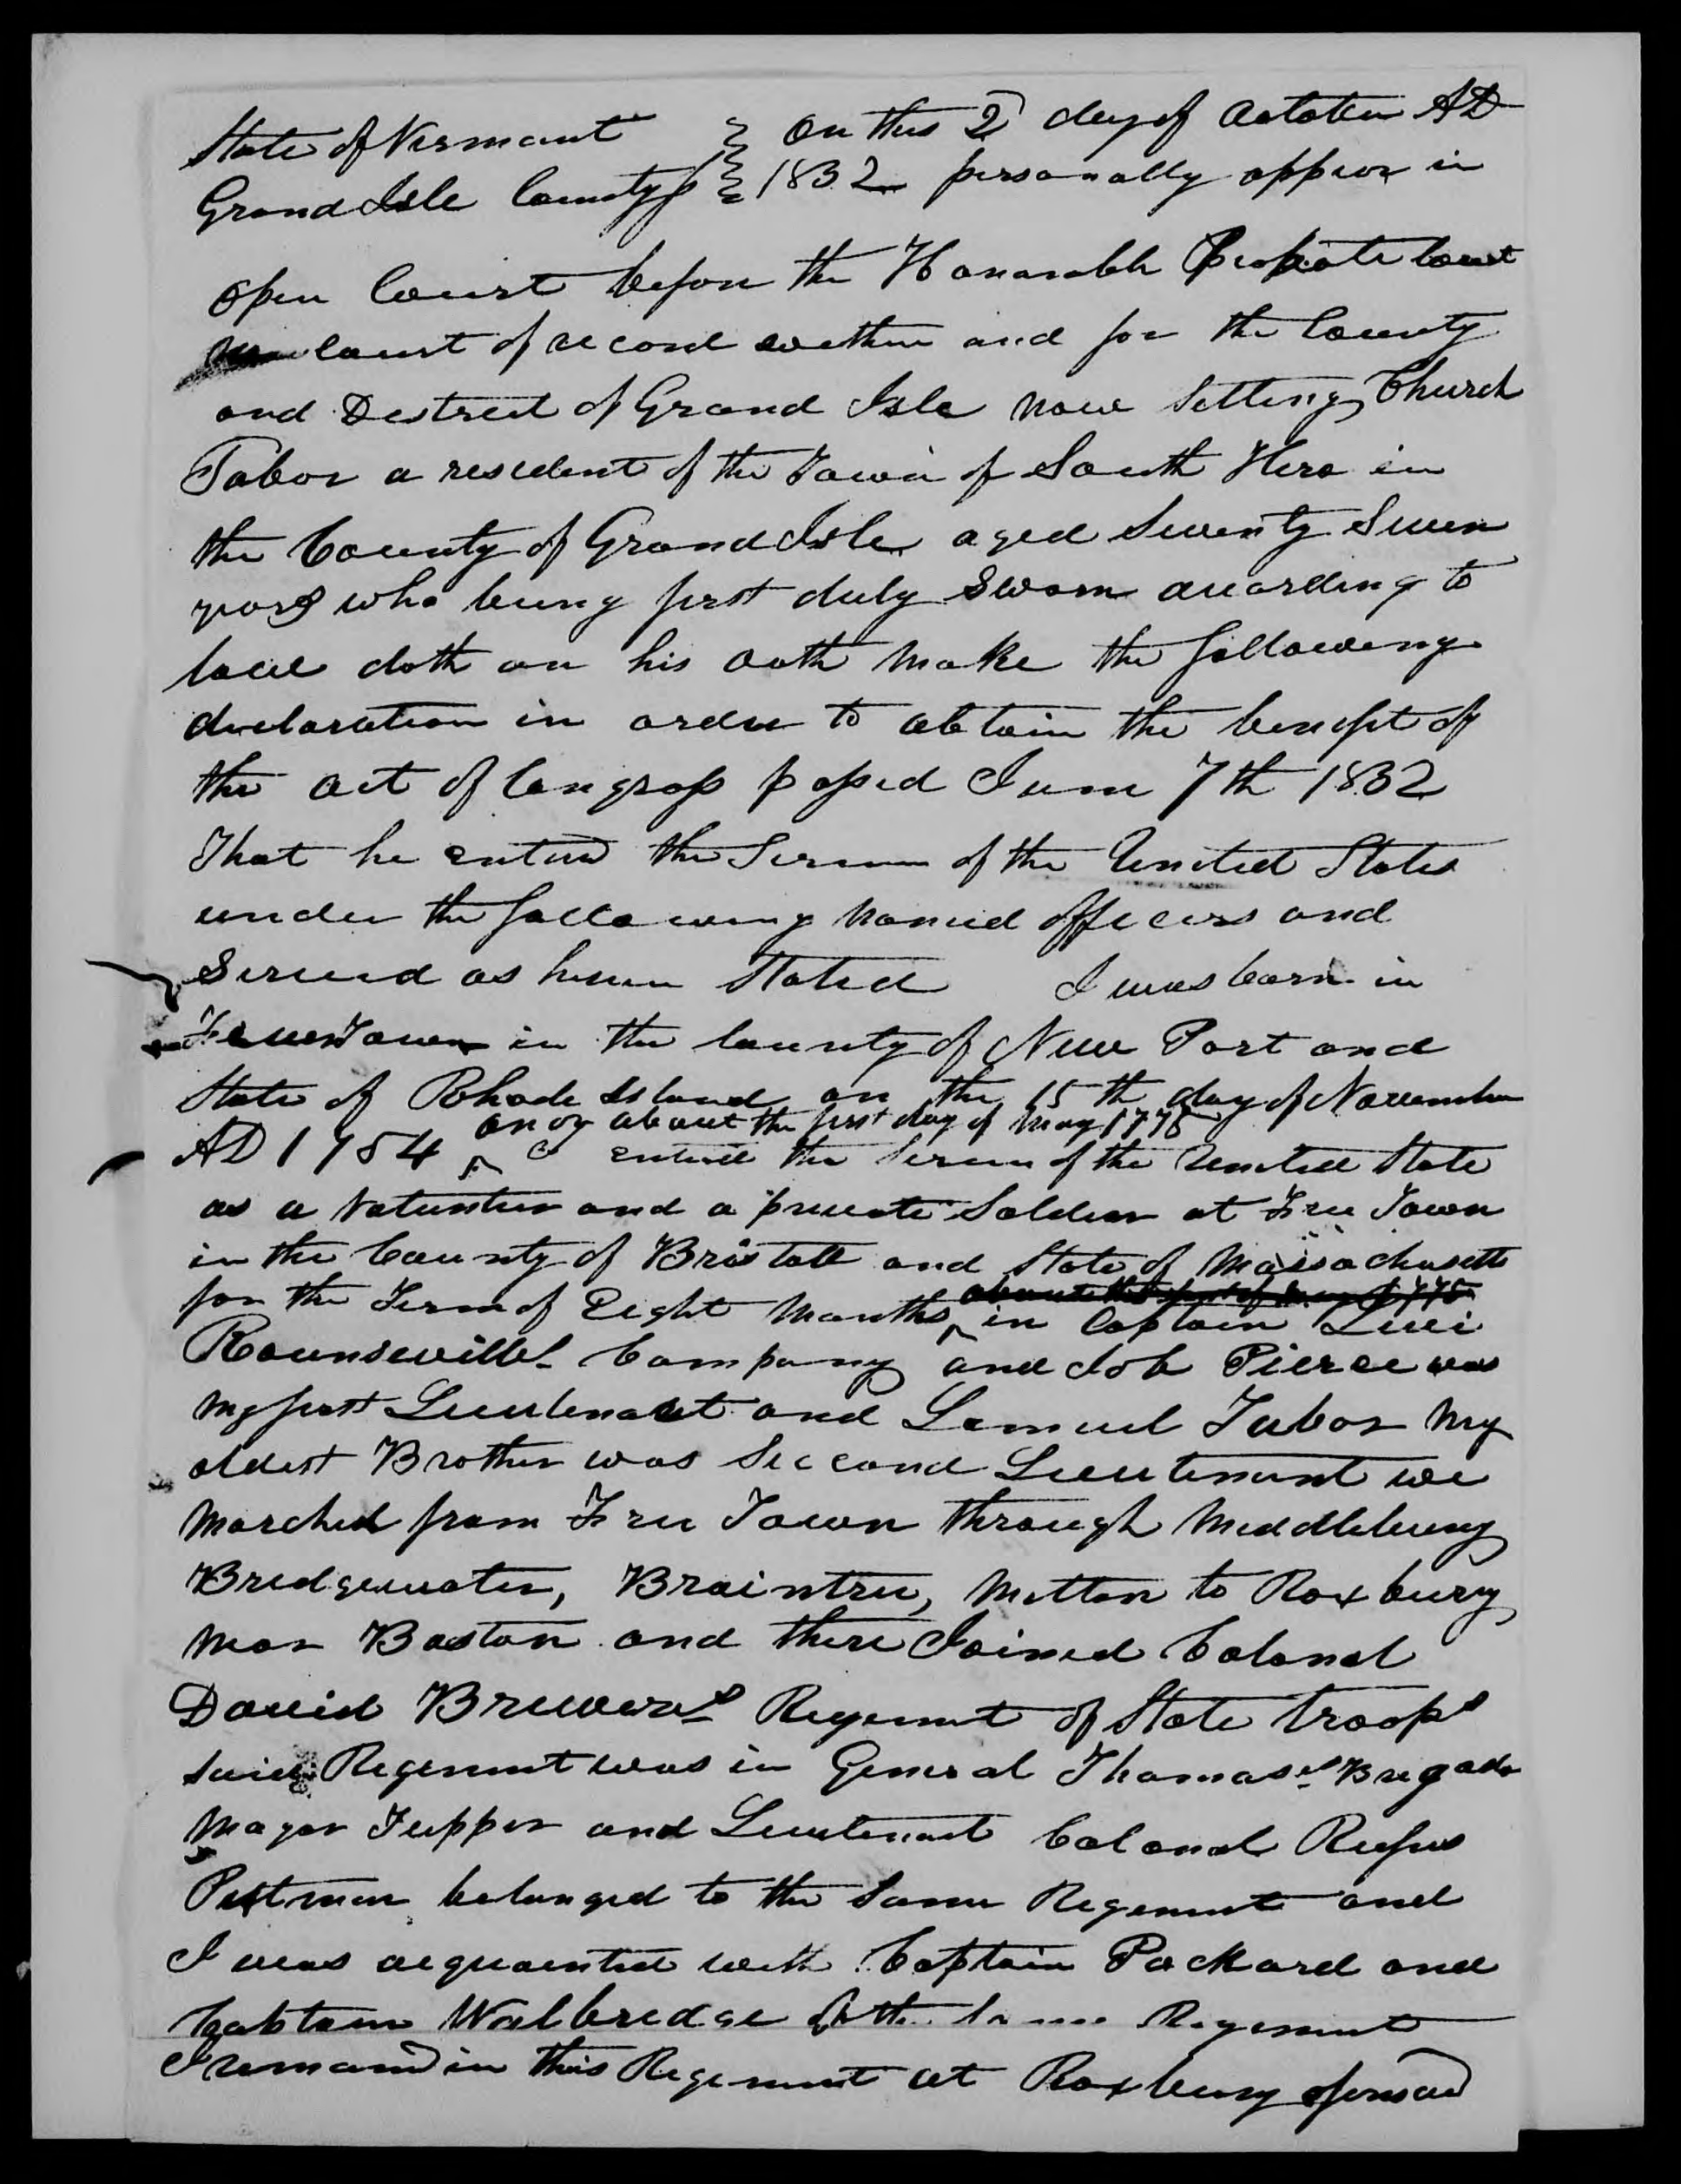State of Vermont
Grand Isle County ss
On this 2d day of October AD 1832 personally appeared in open Court before the Honorable probate Court a Court of record within and for the County and District of Grand Isle now sitting, Church Tabor a resident of the town of South Hero in the County of Grand isle aged seventy seven years who being first sworn according to law, doth on his oath, make the following declaration in order to obtain the benefit of the Act of Congress passed June 7th 1832.
that he entered the service of the United States under the following named officers and served as herein stated.
I was born in Jamestown in the County of new port and State of Rhode Island on the 15th day of November AD 1754. ^On or about the first day of May 1775^ I entered the service of the (illegible) State as a volunteer and a private soldier at Free Town in the County of Bristol and State of Massachusetts for the term of eight month in Captain Lewis Rounswell's Company and Job. Peirce was my first Lieutenant and Lemuel Tabor my oldest Brother was Second Lieutenant. We marched from Free Town through Middlebury, Bridgwater, Braintree, Milton to Roxbury near Boston and there joined Colonel David Brewer's Regiment of State troops. Said Regiment was in General Thomas's Brigade, Major Tupper and Lieutenant Colonel Rufus Butman belonged to the same Regiment and I was acquainted with Captain Packard and Captain Walbridge of the same Regiment. Remained in this Regiment at roxbury aforesaid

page: 12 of 41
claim: widow's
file: W 26507, for Church Tabor, Massachusetts